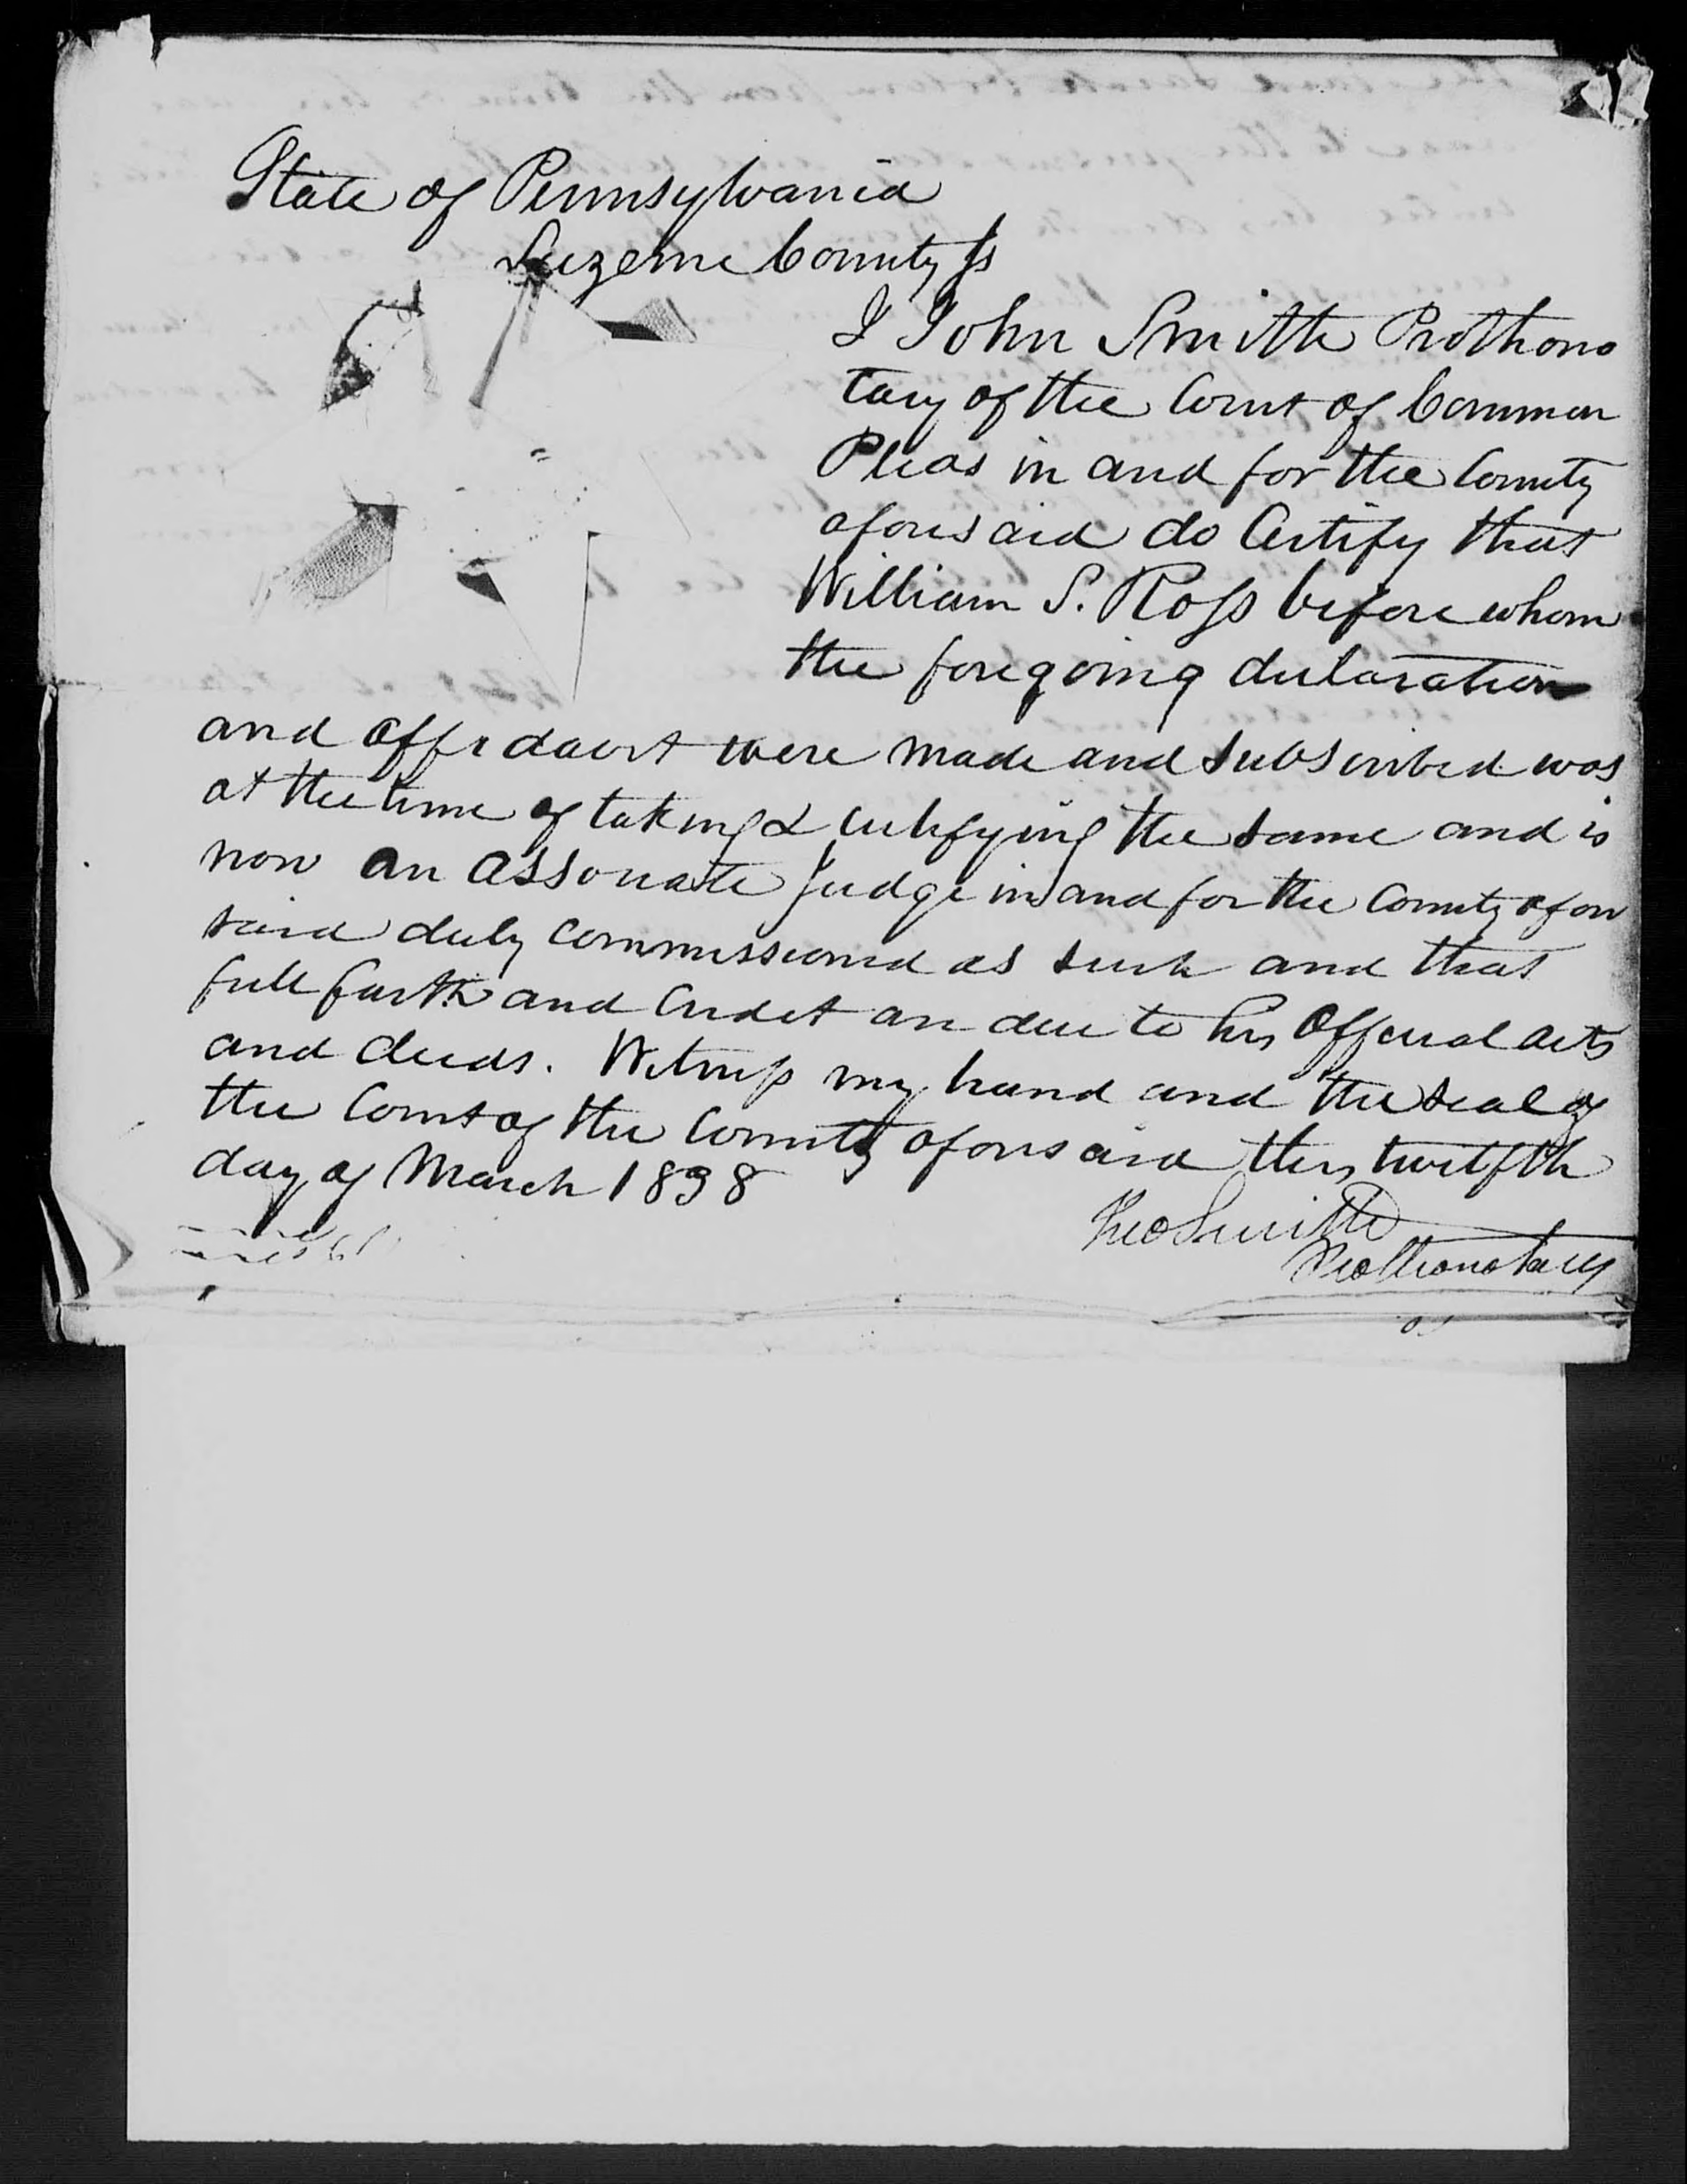State of Pennsylvania Luzerne County ss
I John Smith Prothonotary of the Court of Common Pleas in and for the county aforesaid do certify that William S. Ross before whom the foregoing declaration and affidavit were made and subscribed was at the time of taking & certifying the same and is now an associate Judge in and for the county aforesaid duly commissioned as such and that full faith and credit are due to his official acts and deeds. Witness my hand and the seal of the Court of the county aforesaid this twelfth day of March 1838.
Theo Smith
Prothonotary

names: William S Ross, Jno Smith, John Smith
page: 7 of 41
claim: widow's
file: W. 3513, Philip Colvin, R.I.